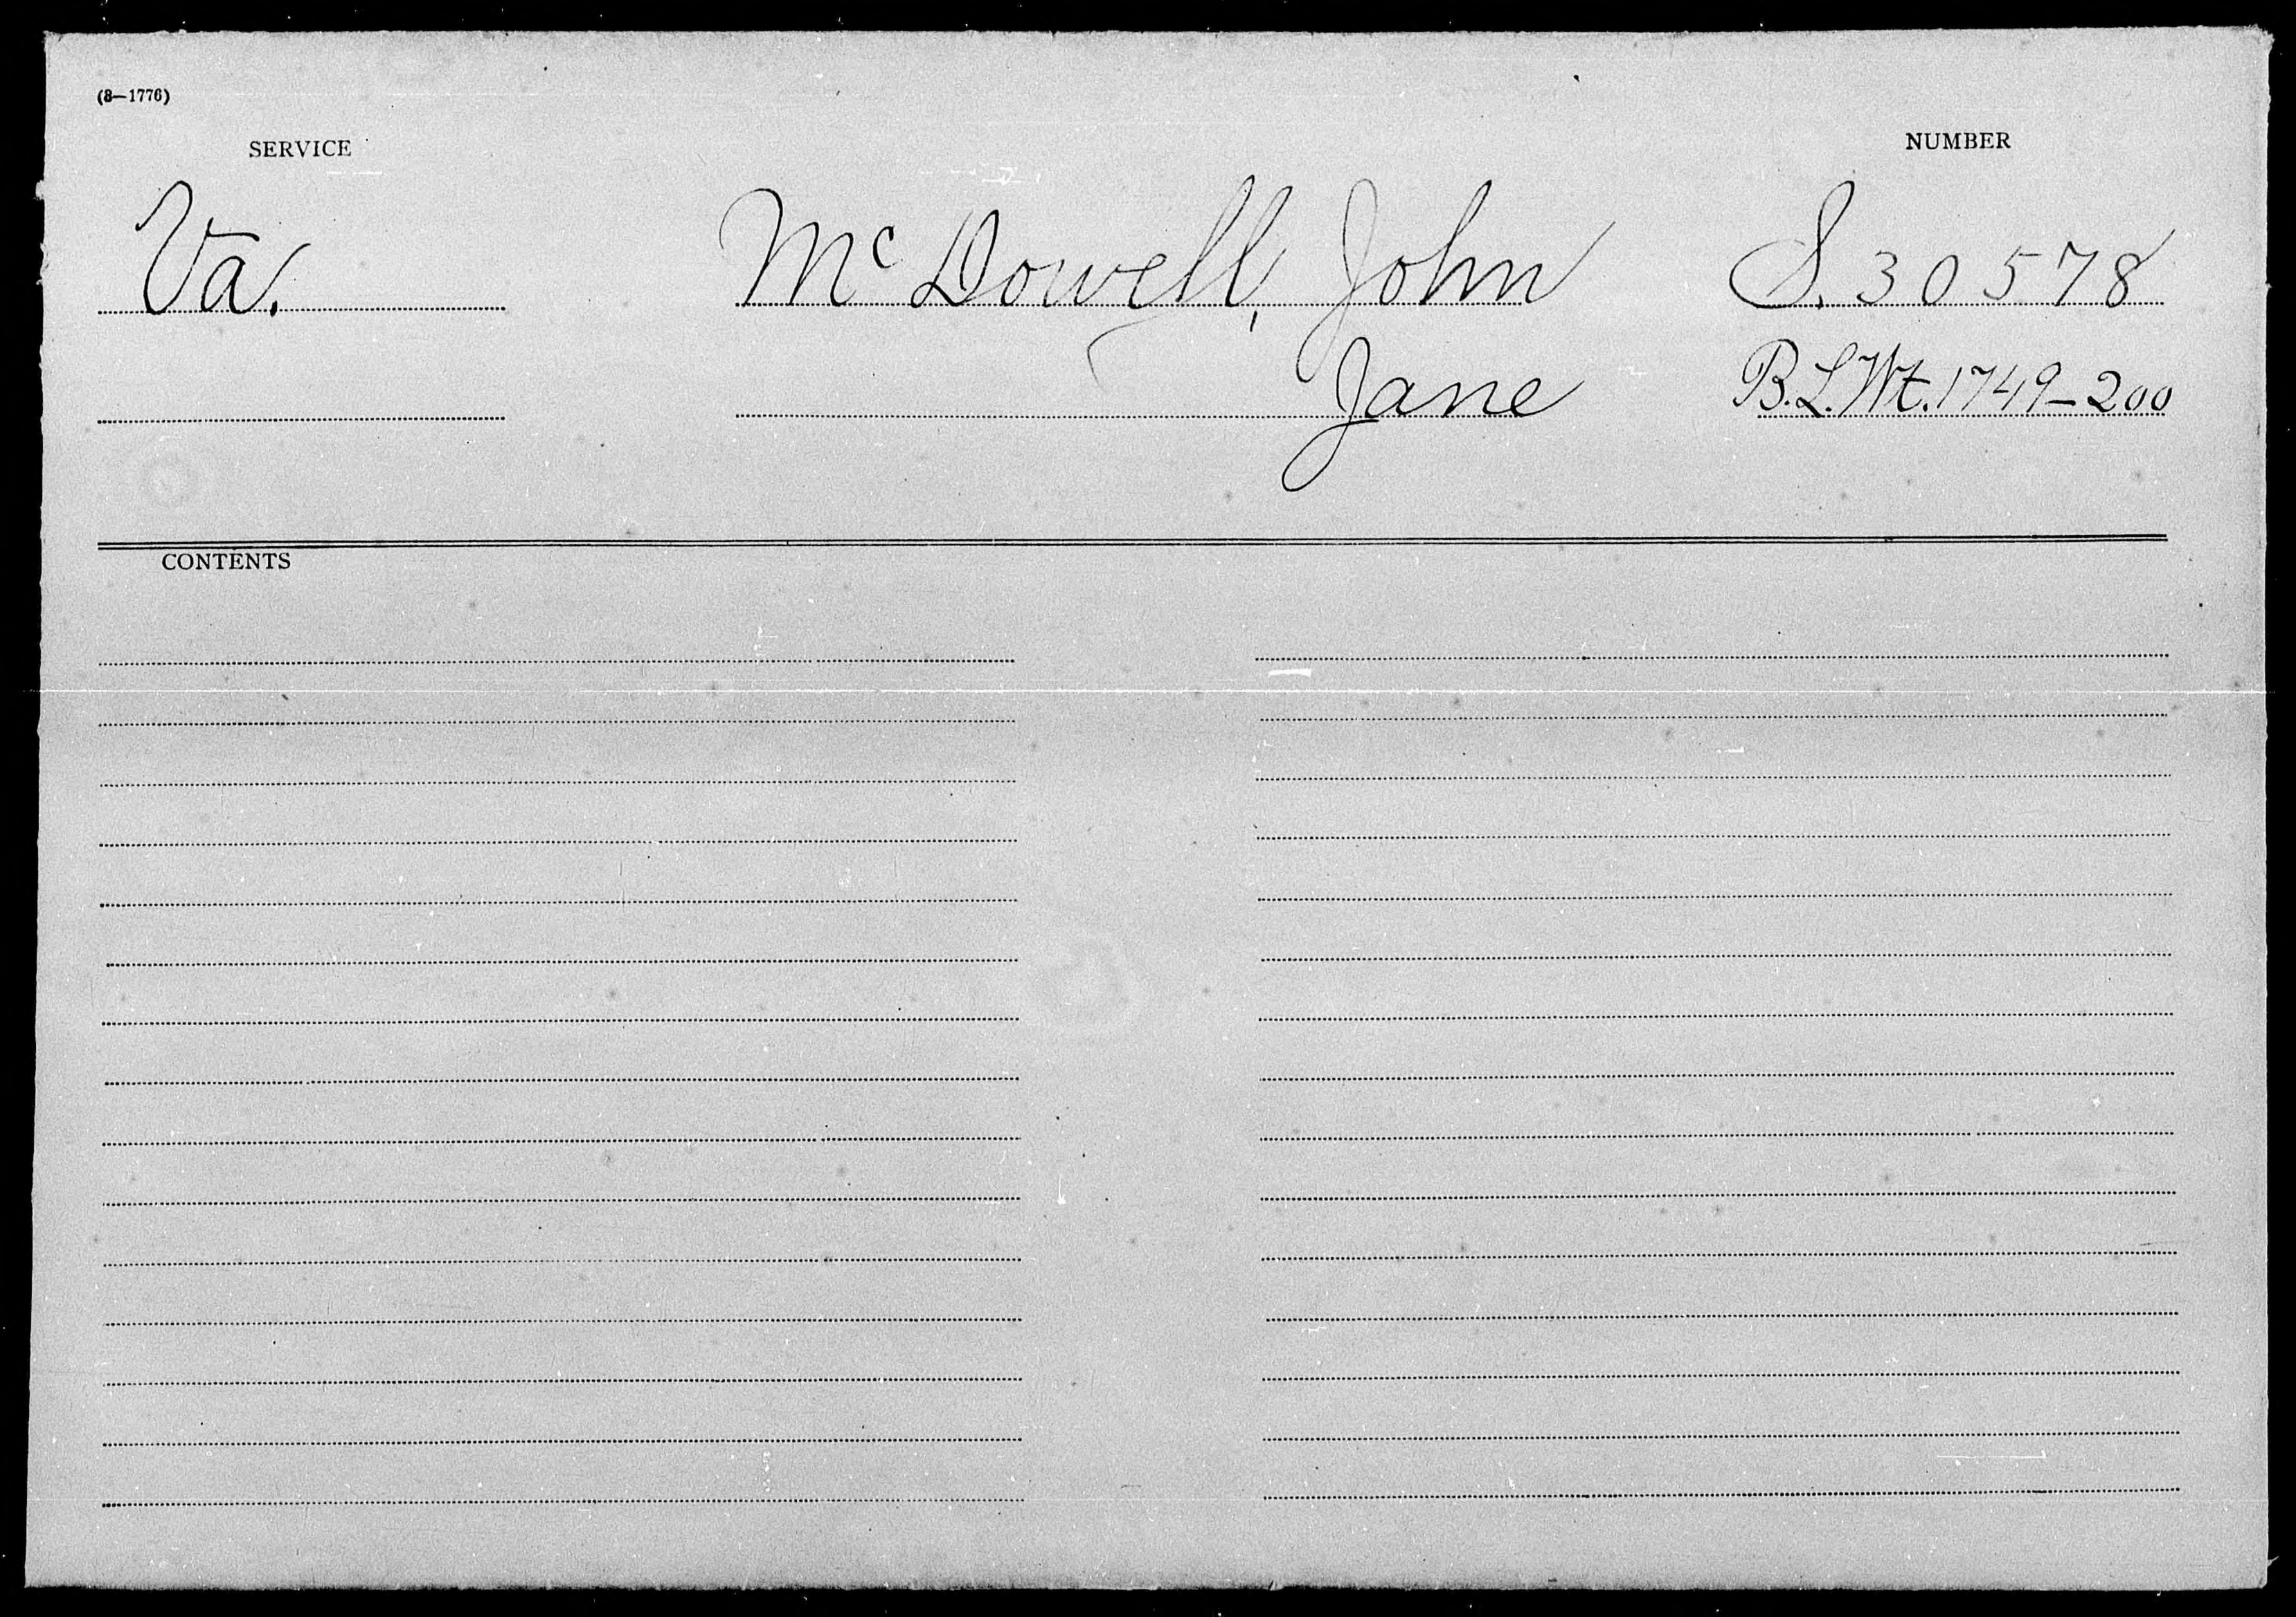(8-1776)
SERVICE
Va.
McDowell, John
Jane
NUMBER
S. 30578
B.L.Wt.1749-200
CONTENTS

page: 1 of 47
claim: survivor's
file: S. 30578, for John Mc Dowell, Virginia